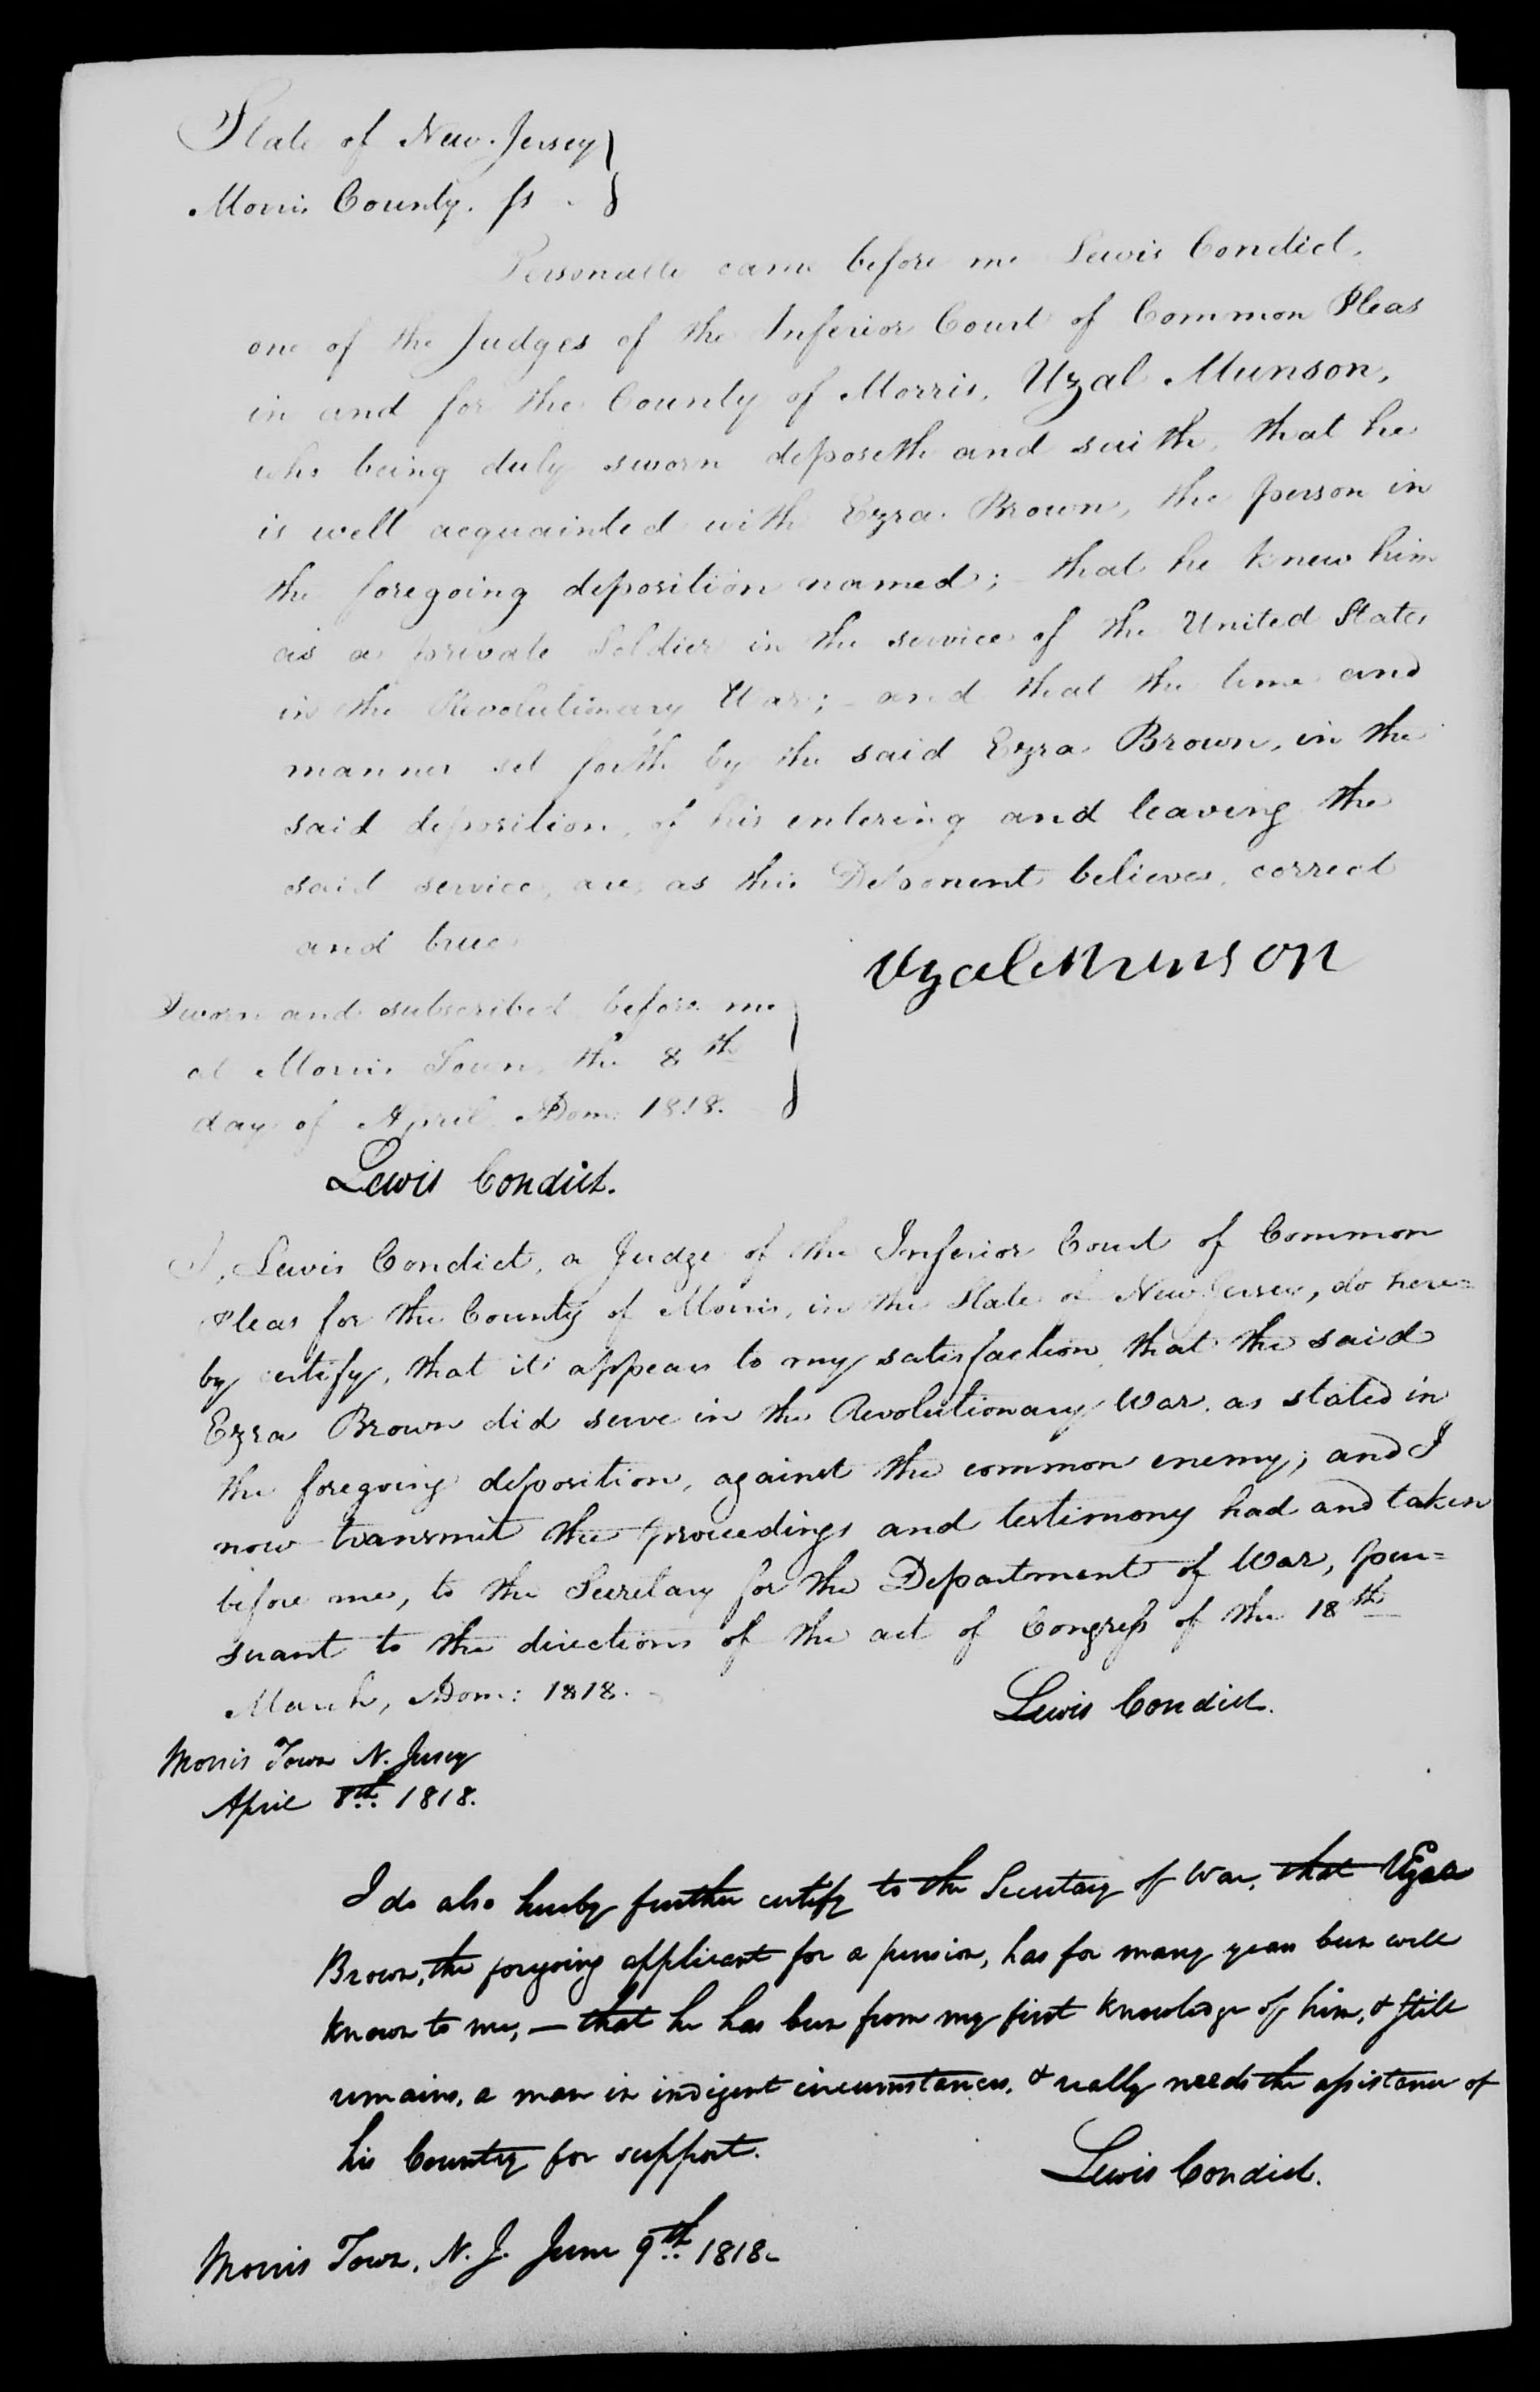State of New Jersey}
Morris County ss}

Personally came before me Lewis Condict one of the Judges of the Inferior Court of Common Pleas in and for the County of Morris, Uzal Munson, who being duly sworn deposeth and saith, that he is well acquainted with Ezra Brown, the person in the foregoing deposition named; that he knew him as a private Soldier in the service of the United States in the Revolutionary War; and that the time and
manner set forth by the said Ezra Brown, in the
said deposition of his entering and leaving the
said service, are as this Deponent believes, correct and true.

Uzal Munson

Sworn and subscribed before me
at Morris Town, the 8th
day of April AD 1818
Lewis Condict.}

I, Lewis Condict, a Judge of the Inferior Court of Common Pleas for the County of Morris, in the State of New Jersey, do hereby certify, that it appears to my satisfaction that the said Ezra Brown did serve in the Revolutionary War as stated in the foregoing deposition, against the common enemy; and I now transmit the proceedings and testimony had and taken
before me, to the Secretary for the Department of War, pursuant to the directions of the act of Congress of the 18th March, Dom: 1818.

Lewis Condict

Morris Town N. Jersey
April 7th 1818.

I do also hereby further certify to the Secretary of War, that Uzal Brown, the foregoing applicant for a pension, has for many years been well
known to me,- that he has been from my first knowledge of him, & still remains a man in indigent circumstances, & really needs the assistance of his country for support.

Lewis Condit
Morris Town N.J. June 9th 1818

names: Lewis Condict, Ezra Brown, Lewis Condict, Ezra Brown, Ezra Brown, Lewis Condict, Lewis Condict, Uzal Benson, Ezra Brown, Lewis Condict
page: 5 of 27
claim: survivor's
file: S. 34,094, Ezra Brown, New Jersey